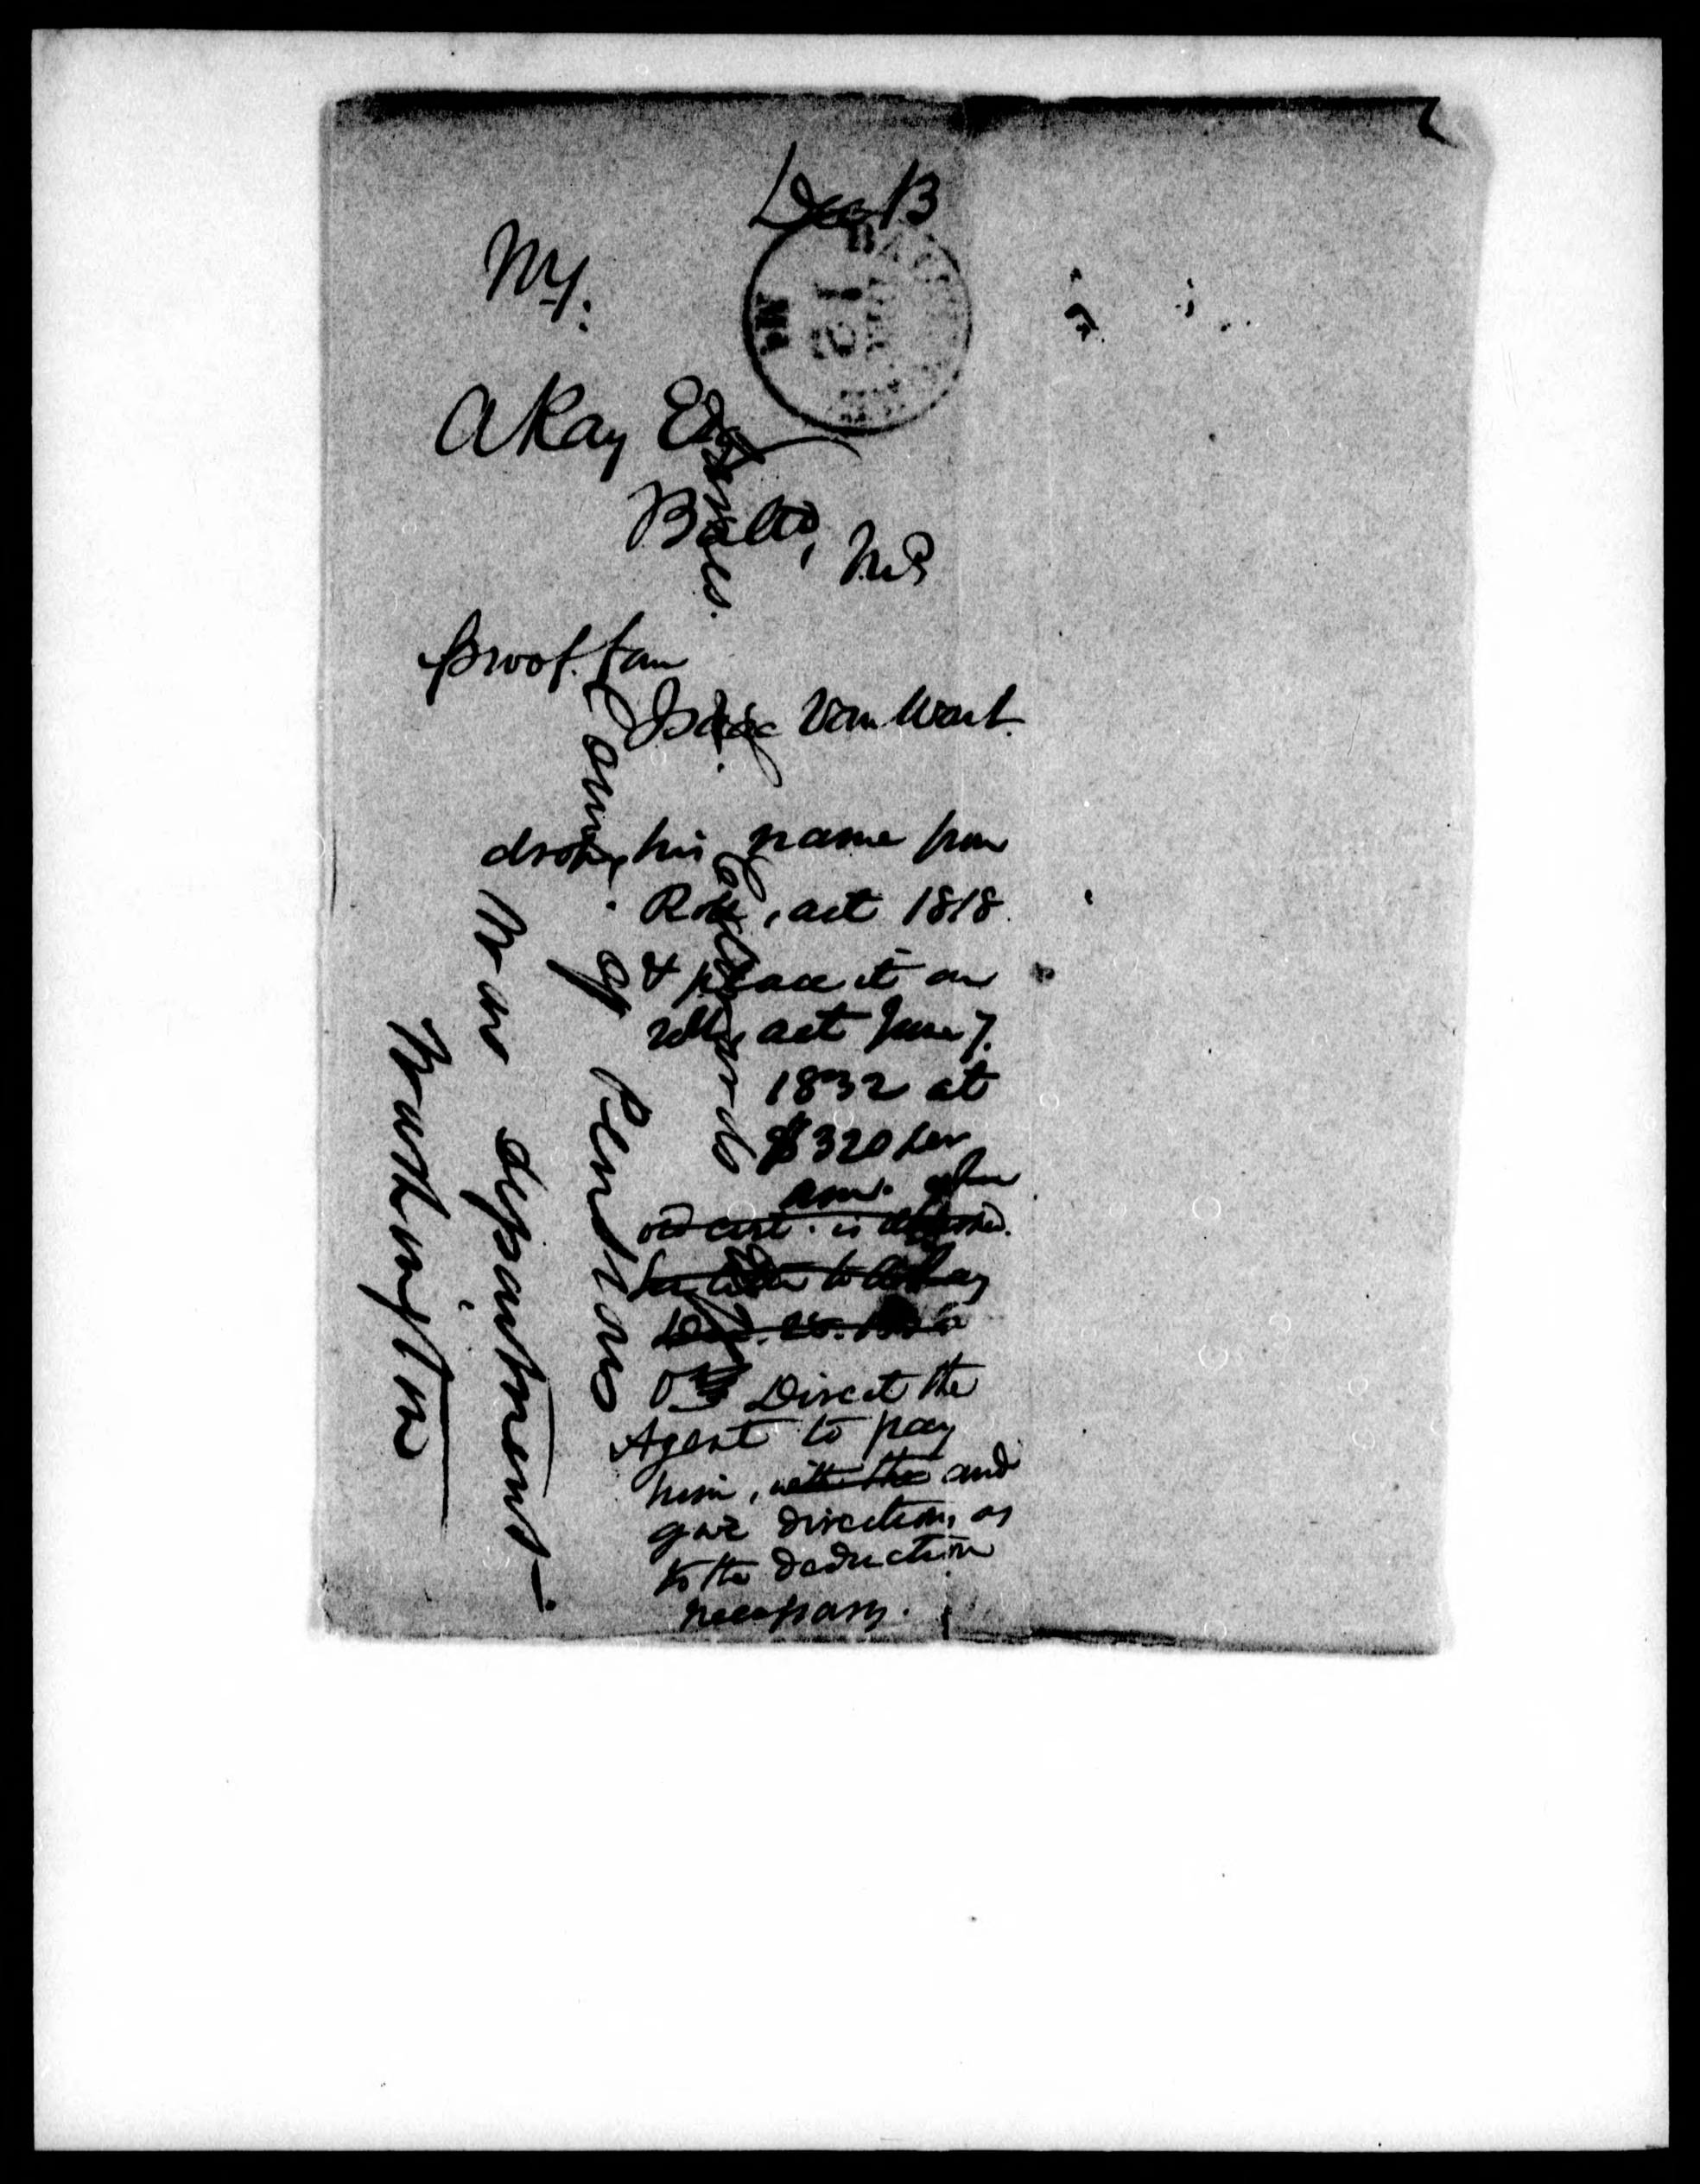[address on envelope]
James L. Edwards Esq
Comr of Pensions
War Department
Washington

[note on envelope]
Dec 13
NY:
A Ray Esq
Balto, Md

Proof fam Isaac Van Wart.

drop his name from Roll, act 1818. & place it on roll act June 7. 1832 at $320 per ann. 
Direct the Agent to pay him and give directions as to the deduction necessary.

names: Isaac Van Wart, A Ray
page: 21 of 102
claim: widow's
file: W. 18239, Isaac Van Wart, New York